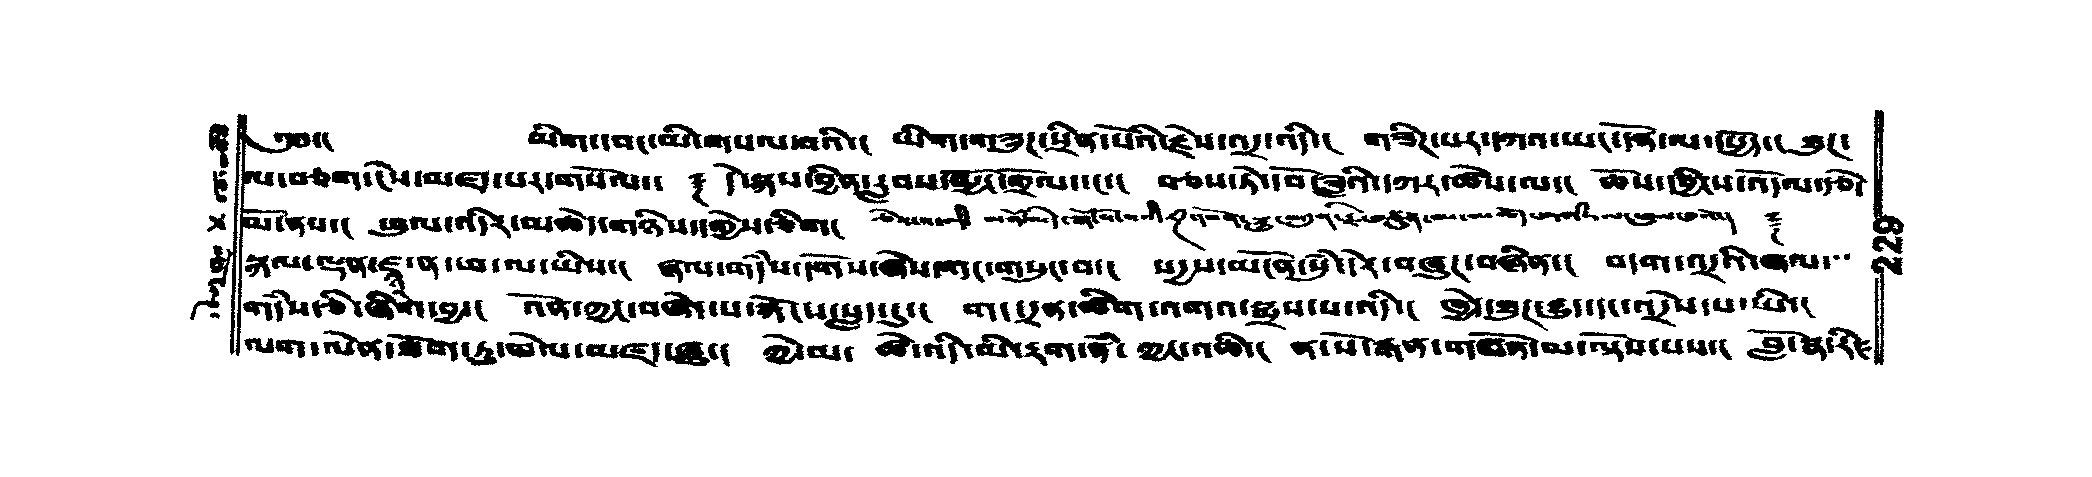མིག་དབང་མི་གསལ་བས། །ཡིག་གཟུགས་སྲིན་བུའི་རྗེས་འདྲ་འདི། །གཟིགས་པར་དཀའ་ཡང་དོན་ལ་དཔྱོད། །ཐུགས་
ལ་བཅག་ངེས་མཛད་པར་གསོལ། ༈ དེ་སྐད་བྱིན་རླབས་མྱོང་གྲོལ་དང་། །བཅས་ཏེ་དབོ་ཟླའི་དཀར་ཚེས་ལ། །ཆོས་དབྱིངས་འོད་གསལ་རྩེ་
མོ་ནས། །ཕུལ་འདིར་མཆོད་གཉིས་ཐུགས་དགྱེས་ཤིག ཅེས་པ་འདི་མཉམ་མེད་སྒལ་པོ་པའི་རིགས་དབོན་སྐུ་མདུན་རྗེ་བཙུན་མ་མཆོད་གཉིས་ལ་ཕུལ་བའོ། ༈ 
སྐལ་ལྡན་ཛྙ་ན་ཕ་ལ་ཡིས། །ཞལ་གདམས་དགོས་ཞེས་གང་གསུངས་བ། །སངས་རྒྱས་མངོན་སུམ་དེར་བཞུགས་བཞིན། །བདག་འདྲའི་ཞལ་
གདམས་ཅི་ཞིག་བྱ། །འོན་ཀྱང་བཞེད་པ་སྐོང་སླད་དུ། །གང་དྲང་ཚིག་འགའ་སྨྲས་པ་འདི། །ཁྱེད་ཐུགས་རྒྱུད་དང་འདྲེས་པ་ཡི། །
ལག་ལེན་ཐོག་ཏུ་ཁྲིལ་མཛད་ཞུ། ཀྱེ་མ། ཚེ་འདི་མི་རྟག་རྣམ་ཀྱང་འཆི། །ན་སོ་རྒན་གཞོན་མ་ལྟོས་པས། །བློ་སྣ་རིང་